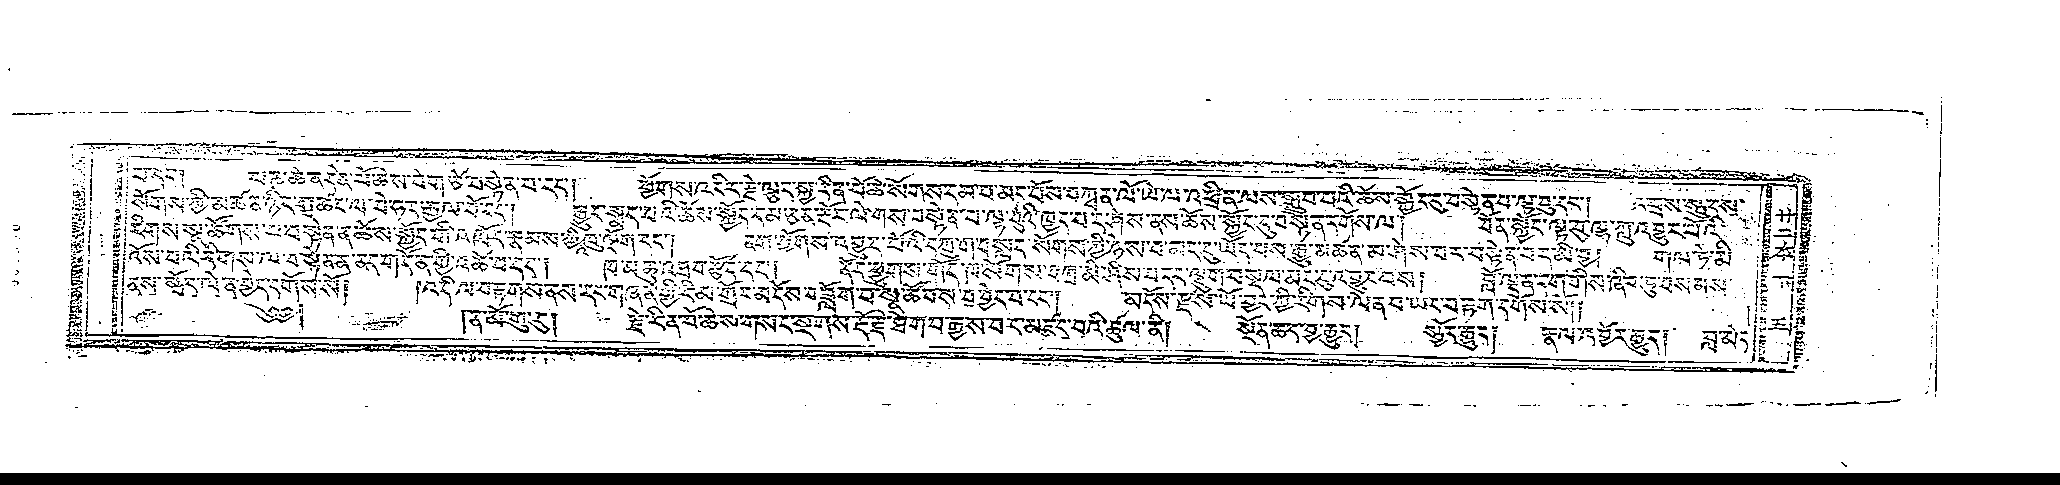པ་ངང་། པཎ་ཆེན་རིན་པོ་ཆེས་བེག་ཙེ་བསྟེན་པ་དང་། ཕྱོགས་འདིར་རྗེ་ལྕང་སྐྱ་རིན་པོ་ཆེ་སོགས་དམ་བ་མང་བོས་བཀྭན་ལོ་ཡེལ་འཕྲིན་ལས་སྒྲུབ་པའི་ཆོས་སྐྱོང་དུ་བསྟེན་པ་ལྟ་བུ་དང་། འབྲས་སྤུངས་
སོགས་ཀྱི་མཚན་ཉིད་གྲྭ་ཚང་ལ་པེ་ཧར་རྒྱལ་པོ་དང་། རྒྱུད་སྨད་པའི་ཆོས་སྐྱོད་དམ་ཅན་རྡོར་ལེགས་བསྟེན་པ་ལྟ་བུའི་ཁྱད་པར་ཤེས་ནས་ཆོས་སྐྱོང་དུ་བསྟེན་དགོས་ལ། བོན་སྐྱོང་ལྟ་བུ་ལྷ་ཀླུ་འབྱུང་པོའི་
རིགས་སྣ་ཚོགས་པ་བསྟེན་ན་ཆོས་སྐྱོང་གི་འཁོར་རྣམས་ཀྱིའི་ཁུ་ལྡོག་དང་། ནག་ཕྱོགས་འབྱུང་པོའི་དཀྲུ་ག་བསླད་སོགས་ཀྱི་ཉེས་པ་མང་དུ་ཡོད་པས་རྒྱུ་མཚན་མ་ཤེས་པར་བསྟེན་བར་མི་བྱ། གལ་ཏེ་མི་
འོས་པའི་རིགས་ལ་བསྟེན་ན་ནད་གདོན་གྱི་འཚེ་བ་དང་། ཁམ་ཆུ་འྯབ་རྩོད་དང་། ནོར་ཕྱུགས་གོང་ཁ་སོགས་བཀྲ་མི་ཤིས་པ་དང་སྡུག་བསྔལ་མང་དུ་འབྱུང་བས། བློ་ལྡན་དག་གིས་ཞིབ་ཏུ་བསམས་
ནས་སྤོད་ལེན་བྱེད་དགོས་སོ། །འདི་ལ་བརྟགས་ནས་རང་གཞན་གྱི་རིམ་གྲོར་མདོས་བཟློག་པ་སྣ་ཚོགས་བྲ་བྱེད་པ་དང་། མདོས་རྫས་ཡོ་བྱད་ཀྱི་རིགས་ལེན་བ་ཡང་བརྟག་དགོས་སོ།། །
༄༅། །ན་མོ་གུ་རུ། རྗེ་རིན་པོ་ཆེས་གསང་སྔགས་རྡོ་རྗེ་ཐེག་པ་རྒྱས་བར་མཛད་བའི་ཚུལ་ནི། སྔོན་ཆད་བྱ་རྒྱུད། སྤྱོད་རྒྱུད། རྣལ་འབྱོར་རྒྱུད། བླ་མེད་